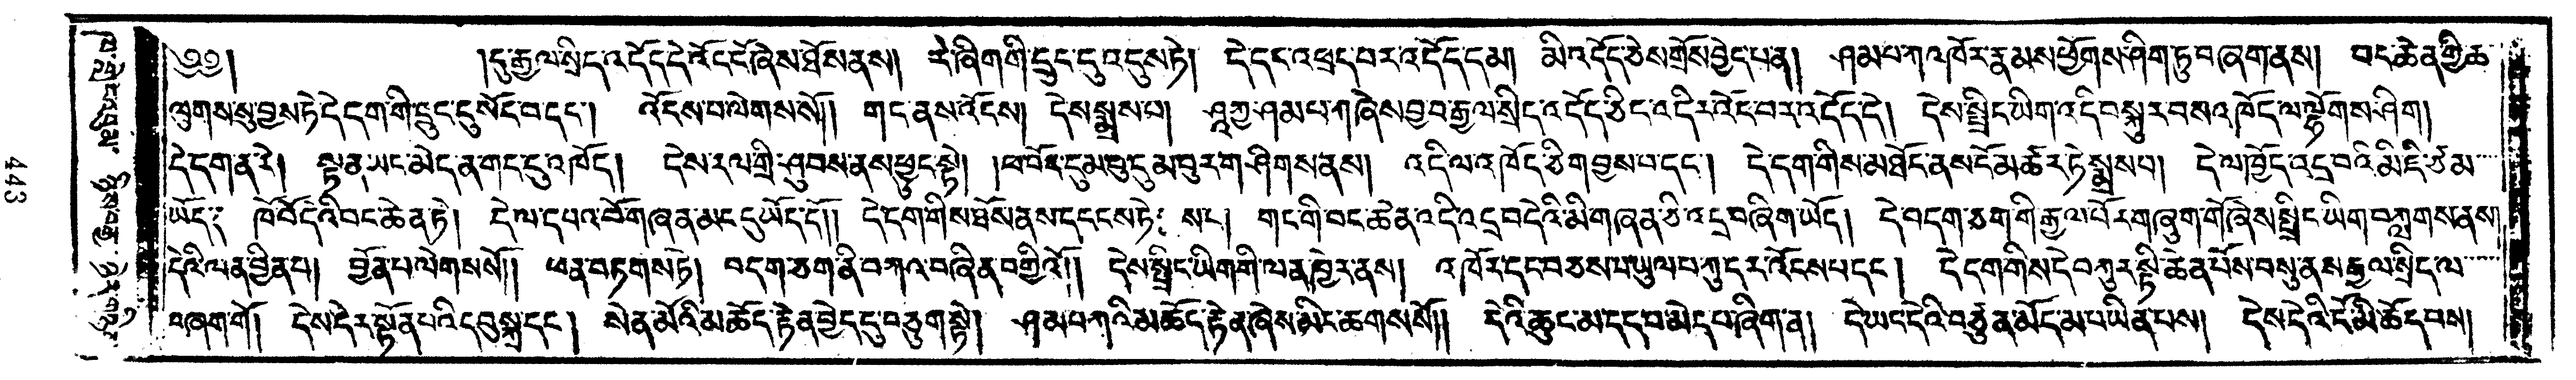༄༅། །དུ་རྒྱལ་སྲིད་འདོད་དེ་འོང་དོ་ཞེས་ཐོས་ནས། རེ་ཞིག་གི་དྲུང་དུ་འདུས་ཏེ། དེ་དང་འཕྲད་པར་འདོད་དམ། མི་འདོད་ཅེས་གྲོས་བྱེད་པ་ན། ཤམ་པ་ཀ་འཁོར་རྣམས་ཕྱོགས་ཤིག་ཏུ་བཞག་ནས། བདག་ཆེན་གྱི་ཆ་
ལུགས་སུ་བྱས་ཏེ་དེ་དག་གི་དྲུང་དུ་སོང་བ་དང་། འོངས་པ་ལེགས་སོ། །གང་ནས་འོངས། དེས་སྨྲས་པ། ཤཱཀྱ་ཤམ་པ་ཀ་ཞེས་བྱ་བ་རྒྱལ་སྲིད་འདོད་ཅིང་འདིར་འོང་བར་འདོད་དེ། དེས་སྤྲིང་ཡིག་འདི་བསྐུར་བས་འཁོད་ལ་ལྷོགས་ཤིག།
དེ་དག་ན་རེ། སྟན་ཡང་མེད་ན་གང་དུ་འཁོད། དེས་རལ་གྲི་ཤུབས་ནས་ཕྱུང་སྟེ། །ཕ་བོང་དུམ་བུ་དུམ་བུར་གཤིགས་ནས། འདི་ལ་འཁོད་ཅིག་བྱས་པ་དང་། དེ་དག་གིས་མཐོང་ནས་ངོ་མཚར་ཏེ་སྨྲས་པ། དེ་ལ་ཁྱོད་འདྲ་བའི་མི་ཇི་ཙམ་
ཡོད༑ ཁོ་བོ་དེའི་བང་ཆེན་ཏེ། དེ་ལ་དཔའ་བོ་གཞན་མང་དུ་ཡོད་དོ། །དེ་དག་གིས་ཐོས་ནས་དངངས་ཏེ་སྨྲས་པ། གང་གི་བང་ཆེན་འདི་འདྲ་བདེའི་མི་གཞན་ཅི་འདྲ་བ་ཞིག་ཡོད། དེ་བདག་ཅག་གི་རྒྱལ་པོར་གཞུག་གོ་ཞེས་སྤྲིང་ཡིག་བཀླགས་ནས།
དེའི་ལན་བྱིན་པ། བྱོན་པ་ལེགས་སོ། །ཕན་བཏགས་ཏེ། བདག་ཅག་ནི་བཀའ་བཞིན་བགྱིའོ། །དེས་སྤྲིང་ཡིག་གི་ལན་ཁྱེར་ནས། འཁོར་དང་བཅས་པ་ཡུལ་པ་ཀུ་དར་འོངས་པ་དང་། དེ་དག་གིས་དེ་བཀུར་སྟི་ཆེན་པོས་བསུ་ནས་རྒྱལ་སྲིད་ལ་
བཞག་གོ། དེས་དེར་སྟོན་པའི་དབུ་སྐྲ་དང་། སེན་མོའི་མཆོད་རྟེན་བྱེད་དུ་བཅུག་སྟེ། ཤམ་བཀའི་མཆོད་རྟེན་ཞེས་མིང་ཆགས་སོ། །དེའི་ཆུང་མ་དད་པ་མེད་པ་ཞིག་ན། དེ་ཡང་དེའི་བཙུན་མོང་མ་ཡིན་པས། དེས་དེའི་ངོ་མི་ཆོད་བས།